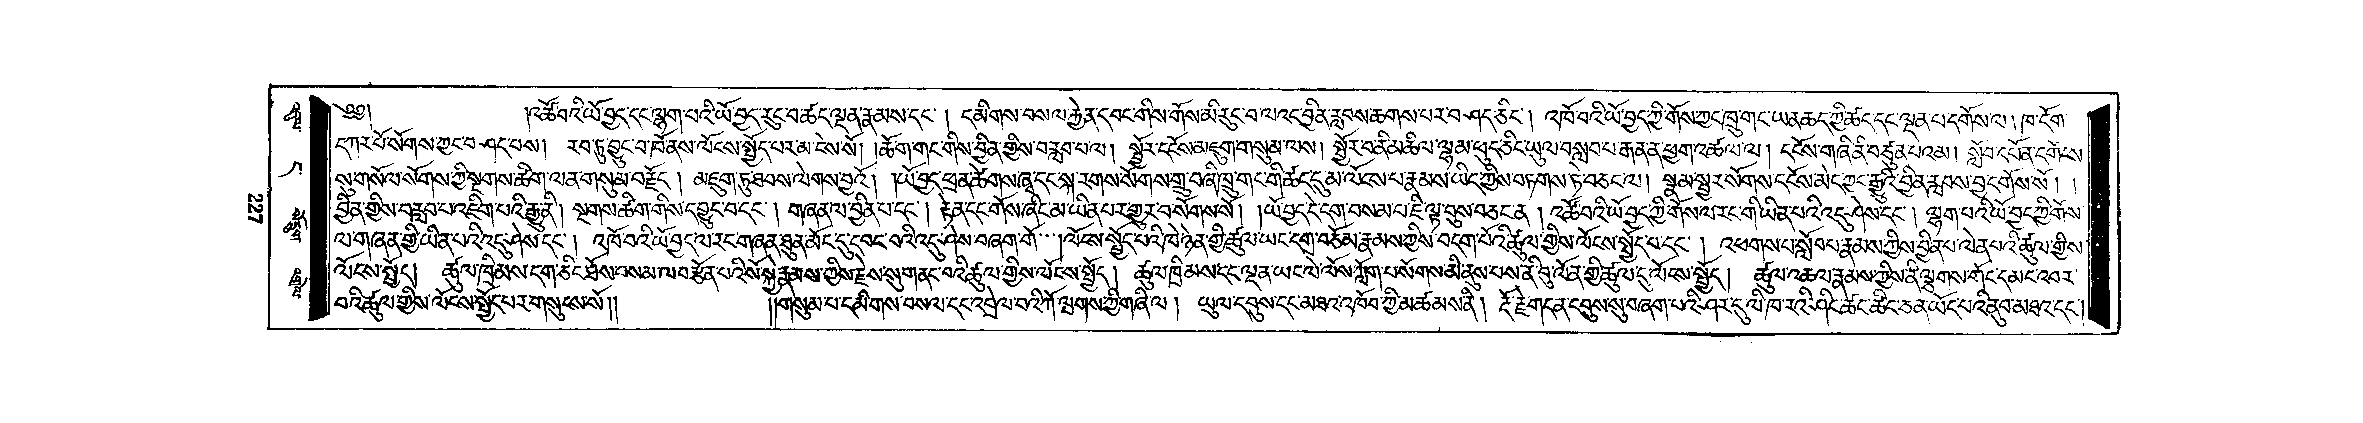༄༅། །འཚོ་བའི་ཡོ་བྱད་དང་ལྷག་པའི་ཡོ་བྱད་རུང་བ་ཚད་ལྡན་རྣམས་དང་། དམིགས་བསལ་རྐྱེན་དབང་གིས་གོས་མི་རུང་བ་ལའང་བྱིན་རླབས་ཆགས་པར་བཤད་ཅིང་། འཁོ་བའི་ཡོ་བྱད་ཀྱི་གོས་ཀྱང་ཁྲུ་གང་ཡན་ཆད་ཀྱི་ཚད་དང་ལྡན་པ་དགོས་ལ། ཁ་དོག་
དཀར་པོ་སོགས་ཀྱང་བཤད་པས། རབ་ཏུ་བྱུང་བ་ཁོ་ནས་ལོངས་སྤྱོད་པར་མ་ངེས་སོ། །ཆོ་ག་གང་གིས་བྱིན་གྱིས་བརླབ་པ་ལ། སྦྱོར་དངོས་མཇུག་གསུམ་ལས། སྦྱོར་བ་ནི་མཆིལ་ལྷམ་ཕུད་ཅིང་ཡུལ་བསླབ་པ་རྒན་ན་ཕྱག་འཚལ་ལ། དངོས་གཞི་ནི་བཙུན་པའམ། སློབ་དཔོན་དགོངས་
སུ་གསོལ་སོགས་ཀྱི་སྔགས་ཚིག་ལན་གསུམ་བརྗོད། མཇུག་ཏུ་ཐབས་ལེགས་བྱའོ། །ཡོ་བྱད་ཕྲན་ཚེགས་ཞྭ་དང་སྐ་རགས་སོགས་གྲུ་བཞི་ཁྲུ་གང་གི་ཚད་དུ་མ་ལོངས་པ་རྣམས་ཡིད་ཀྱིས་བཏགས་ཏེ་བཅང་ལ། སྣམ་སྦྱར་སོགས་དངོས་མེད་ཀྱང་རྒྱུའི་བྱིན་རླབས་བྱ་དགོས་སོ། །
བྱིན་གྱིས་བརླབ་པ་འཇིག་པའི་རྒྱུ་ནི། སྔགས་ཚིག་གིས་དབྱུང་བ་དང་། གཞན་ལ་བྱིན་པ་དང་། རྟེན་དང་གོས་ཞིང་མ་ཡིན་པར་གྱུར་བ་སོགས་སོ། །ཡོ་བྱད་དེ་དག་བསམ་པ་ཇི་ལྟ་བུས་བཅང་ན། འཚོ་བའི་ཡོ་བྱད་ཀྱི་གོས་ལ་རང་གི་ཡིན་པའི་འདུ་ཤེས་དང་། ལྷག་པའི་ཡོ་བྱད་ཀྱི་གོས་
ལ་གཞན་གྱི་ཡིན་པའི་འདུ་ཤེས་དང་། འཁོ་བའི་ཡོ་བྱད་ལ་རང་གཞན་ཐུན་མོང་དུ་དབང་བའི་འདུ་ཤེས་བཞག་གོ །ལོངས་སྤྱོད་པའི་ཁེ་ཉེན་གྱི་ཚུལ་ཡང་དགྲ་བཅོམ་རྣམས་ཀྱིས་བདག་པོའི་ཚུལ་གྱིས་ལོངས་སྤྱོད་པ་དང་། འཕགས་པ་སློབ་པ་རྣམས་ཀྱིས་བྱིན་པ་ལེན་པའི་ཚུལ་གྱིས་
ལོངས་སྤྱོད། ཚུལ་ཁྲིམས་དག་ཅིང་ཐོས་བསམ་ལ་བརྩོན་པའི་སོ་སྐྱེ་རྣམས་ཀྱིས་རྗེས་སུ་གནང་བའི་ཚུལ་གྱིས་ལོངས་སྤྱོད། ཚུལ་ཁྲིམས་དང་ལྡན་ཡང་ལེ་ལོས་ཀློག་པ་སོགས་མི་ནུས་པས་ནི་བུ་ལོན་གྱི་ཚུལ་དུ་ལོངས་སྤྱོད། ཚུལ་འཆལ་རྣམས་ཀྱིས་ནི་ལྕགས་གོང་དམང་འབར་
བའི་ཚུལ་གྱིས་ལོངས་སྤྱོད་པར་གསུངས་སོ།། །།གསུམ་པ་དམིགས་བསལ་དང་འབྲེལ་བའི་ཀོ་ལྤགས་ཀྱི་གཞི་ལ། ཡུལ་དབུས་དང་མཐའ་འཁོབ་ཀྱི་མཚམས་ནི། རྡོ་རྗེ་གདན་དབུས་སུ་བཞག་པའི་ཤར་དུ་ལི་ཁ་རའི་ཤིང་ཚང་ཚིང་ཅན་ཡོད་པའི་ནུབ་མཐའ་དང་།